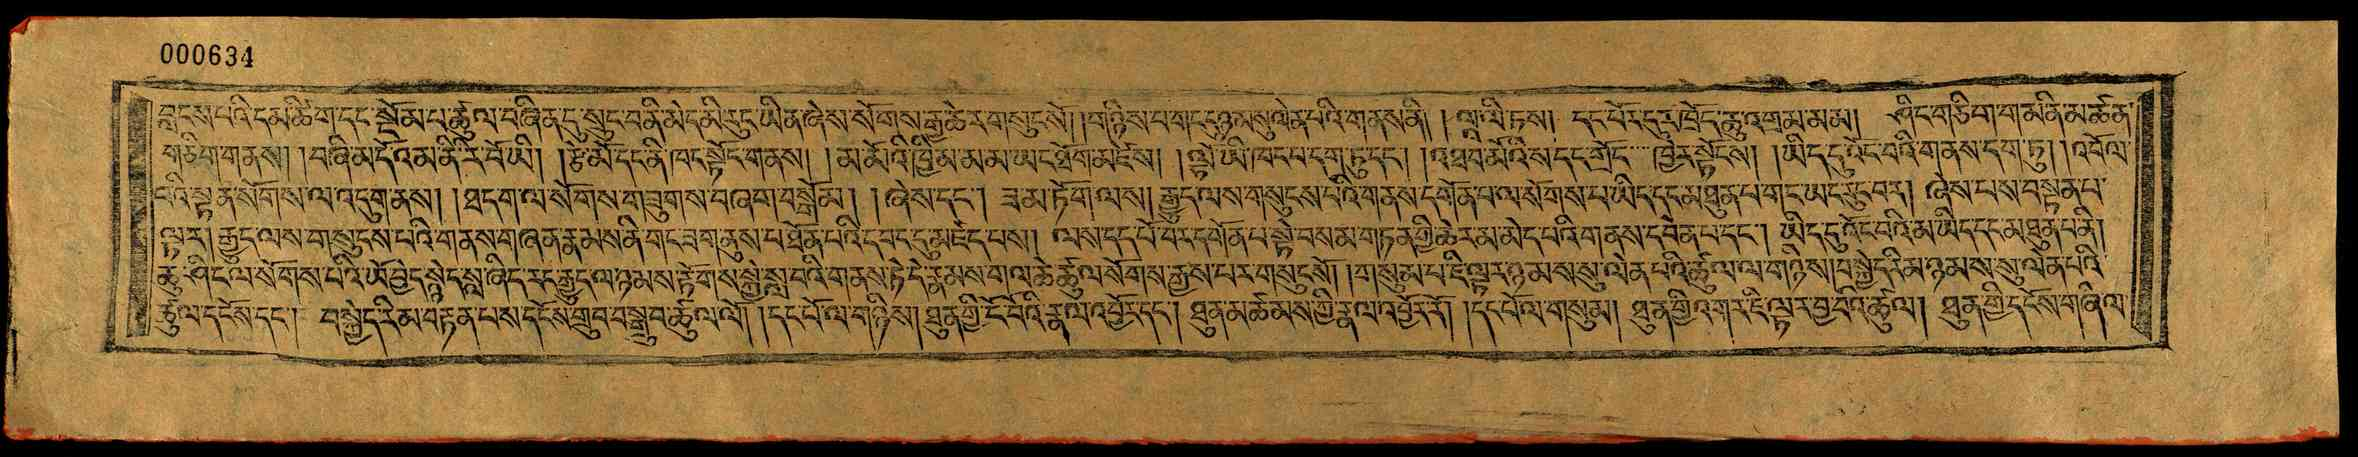བླངས་པའི་དམ་ཚིག་དང་སྡོམ་པ་ཚུལ་བཞིན་དུ་སྲུང་བ་ནི་མེད་མི་རུང་ཡིན་ཞེས་སོགས་རྒྱ་ཆེར་གསུངས་སོ། །གཉིས་པ་གང་དུ་ཉམས་སུ་ལེན་པའི་གནས་ནི། ལ་ལི་ཏས། དང་པོར་དུར་ཁྲོད་ཆུ་འགྲམ་མམ། །ཤིང་གཅིག་གམ་ནི་མཚན་
གཅིག་གནས། །བཞི་མདོ་འམ་ནི་རི་བོ་ཡི། །རྩེ་མོ་དང་ནི་ཁང་སྟོང་གནས། །མ་མོའི་ཁྱིམ་མམ་ཡང་ཐོག་མཛེས། །ལྷ་ཡི་ཁང་པ་དག་ཏུ་དང་། །འཐབ་མོའི་ས་དང་གྲོང་ཁྱེར་སྟོངས། །ཡིད་དུ་འོང་བའི་གནས་དག་ཏུ། །འབོལ་
བའི་སྟན་སོགས་ལ་འདུག་ནས། །ཐང་ག་ལ་སོགས་གཟུགས་བཞག་བསྒོམ། །ཞེས་དང་། ཟ་མ་ཏོག་ལས། རྒྱུད་ལས་གསུངས་པའི་གནས་དགོན་པ་ལ་སོགས་པ་ཡིད་དང་མཐུན་པ་གང་ཡང་རུང་བར། ཞེས་པས་བསྟན་པ་
ལྟར། རྒྱུད་ལས་གསུངས་པའི་གནས་གཞན་རྣམས་ནི་གང་ཟག་ནུས་པ་ཐོན་པའི་དབང་དུ་མཛད་པས། ལས་དང་པོ་པར་དགོན་པ་སྟེ་བསམ་གཏན་གྱི་ཚེར་མ་མེད་པའི་གནས་དབེན་པ་དང་། ཡིད་དུ་འོང་བའམ་ཡིད་དང་མཐུན་པ་ནི།
ཆུ་ཤིང་ལ་སོགས་པའི་ཡོ་བྱད་སྙེད་སླ་ཞིང་རང་རྒྱུད་ལ་ཉམས་རྟོགས་སྐྱེ་སླ་བའི་གནས་ཏེ་དེ་རྣམས་གལ་ཆེ་ཚུལ་སོགས་རྒྱས་པར་གསུངས་སོ། །གསུམ་པ་ཇི་ལྟར་ཉམས་སུ་ལེན་པའི་ཚུལ་ལ་གཉིས། བསྐྱེད་རིམ་ཉམས་སུ་ལེན་པའི་
ཚུལ་དངོས་དང་། བསྐྱེད་རིམ་བརྟེན་པས་དངོས་གྲུབ་བསྒྲུབ་ཚུལ་ལོ། །དང་པོ་ལ་གཉིས། ཐུན་གྱི་ངོ་བོའི་རྣལ་འབྱོར་དང་། ཐུན་མཚམས་ཀྱི་རྣལ་འབྱོར་རོ། །དང་པོ་ལ་གསུམ། ཐུན་གྱི་འགོར་ཇི་ལྟར་བྱ་བའི་ཚུལ། ཐུན་གྱི་དངོས་གཞི་ལ་